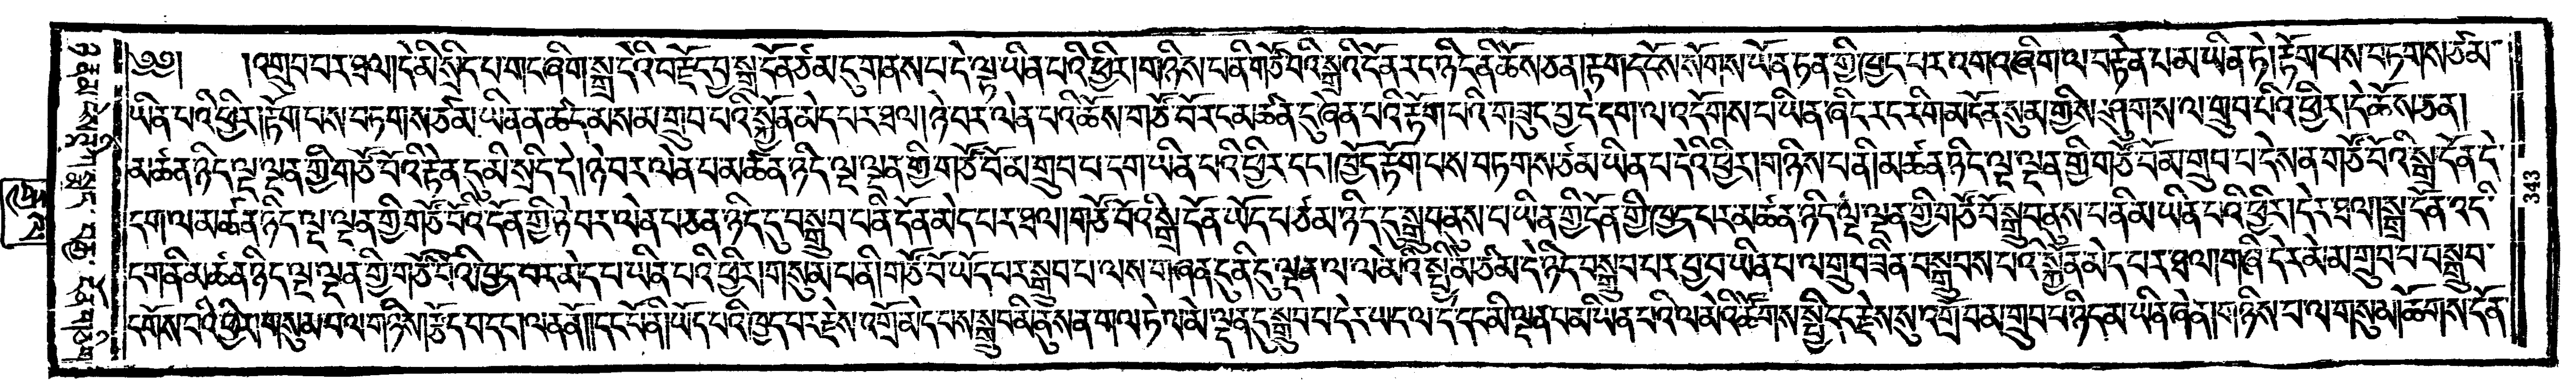༄༅། །འགྲུབ་པར་ཐལ། དེ་མི་སྲིད་པ་གང་ཞིག་སྒྲ་དེའི་བརྗོད་བྱ་སྒྲ་དོན་ཙམ་དུ་གནས་པ་དེ་ལྟ་ཡིན་པའི་ཕྱིར། གཉིས་པ་ནི་གཙོ་བོའི་སྒྲའི་དོན་རང་ཉིད་ནི་ཆོས་ཅན། རྟག་དངོས་སོགས་ཡོན་ཏན་གྱི་ཁྱད་པར་འགའ་ཞིག་ལ་བརྟེན་པ་མ་ཡིན་ཏེ། རྟོག་པས་བཏགས་ཙམ་
ཡིན་པའི་ཕྱིར། རྟོག་པས་བཏགས་ཙམ་ཡིན་ན་ཚད་མས་མ་གྲུབ་པའི་སྐྱོན་མེད་པར་ཐལ། ཉེ་བར་ལེན་པའི་ཆོས་གཙོ་བོ་རང་མཚན་དུ་ཞེན་པའི་རྟོག་པའི་གཟུང་བྱ་དེ་དག་ལ་འདོགས་པ་ཡིན་ཞིང་རང་རིག་མངོན་སུམ་གྱིས་ཤུགས་ལ་གྲུབ་པའི་ཕྱིར། དེ་ཆོས་ཅན།
མཚན་ཉིད་ལྔ་ལྡན་གྱི་གཙོ་བོའི་རྟེན་དུ་མི་སྲིད་དེ། ཉེ་བར་ལེན་པ་མཚན་ཉིད་ལྔ་ལྡན་གྱི་གཙོ་བོ་མ་གྲུབ་པ་དག་ཡིན་པའི་ཕྱིར་དང་། ཁྱོད་རྟོག་པས་བཏགས་ཙམ་ཡིན་པ་དེའི་ཕྱིར། གཉིས་པ་ནི། མཚན་ཉིད་ལྔ་ལྡན་གྱི་གཙོ་བོ་མ་གྲུབ་པ་དེས་ན་གཙོ་བོའི་སྒྲ་དོན་དེ་
དག་ལ་མཚན་ཉིད་ལྔ་ལྡན་གྱི་གཙོ་བོའི་དོན་གྱི་ཉེ་བར་ལེན་པ་ཅན་ཉིད་དུ་བསྒྲུབ་པ་ནི་དོན་མེད་པར་ཐལ། གཙོ་བོའི་སྒྲ་དོན་ཡོད་པ་ཙམ་ཉིད་དུ་སྒྲུབ་ནུས་པ་ཡིན་གྱི་དོན་གྱི་ཁྱད་པར་མཚན་ཉིད་ལྔ་ལྡན་གྱི་གཙོ་བོ་སྒྲུབ་ནུས་པ་ནི་མ་ཡིན་པའི་ཕྱིར། དེར་ཐལ། སྒྲ་དོན་འདི་
དག་ནི་མཚན་ཉིད་ལྔ་ལྡན་གྱི་གཙོ་བོའི་ཁྱད་པར་མེད་པ་ཡིན་པའི་ཕྱིར། གསུམ་པ་ནི། གཙོ་བོ་ཡོད་པར་སྒྲུབ་པ་ལས་གཞན་དུ་ནི་དུ་ལྡན་ལ་ལེ་མའི་སྤྱི་མ་ཙམ་དེ་ཉིད་བསྒྲུབ་པར་བྱ་བ་ཡིན་པ་ལ་གྲུབ་ཟིན་བསྒྲུབས་པའི་སྐྱོན་མེད་པར་ཐལ། གཞི་དེར་མེ་མ་གྲུབ་པ་བསྒྲུབ་
དགོས་པའི་ཕྱིར། གསུམ་པ་ལ་གཉིས། རྩོད་པ་དང་། ལན་ནོ། །དང་པོ་ནི། ཡོད་པའི་ཁྱད་པར་རྗེས་འགྲོ་མེད་པས་སྒྲུབ་མི་ནུས་ན་གལ་ཏེ་ལ་མེ་ལྡན་དུ་སྒྲུབ་པ་དེར་ཡང་ལ་དེ་དང་མི་ལྡན་པ་མ་ཡིན་པའི་ལ་མེའི་ཚོགས་སྤྱི་དང་རྗེས་སུ་འགྲོ་བ་མ་གྲུབ་པ་ཉིད་མ་ཡིན་ཞེ་ན། གཉིས་པ་ལ་གསུམ། །ཆོགས་དོན་